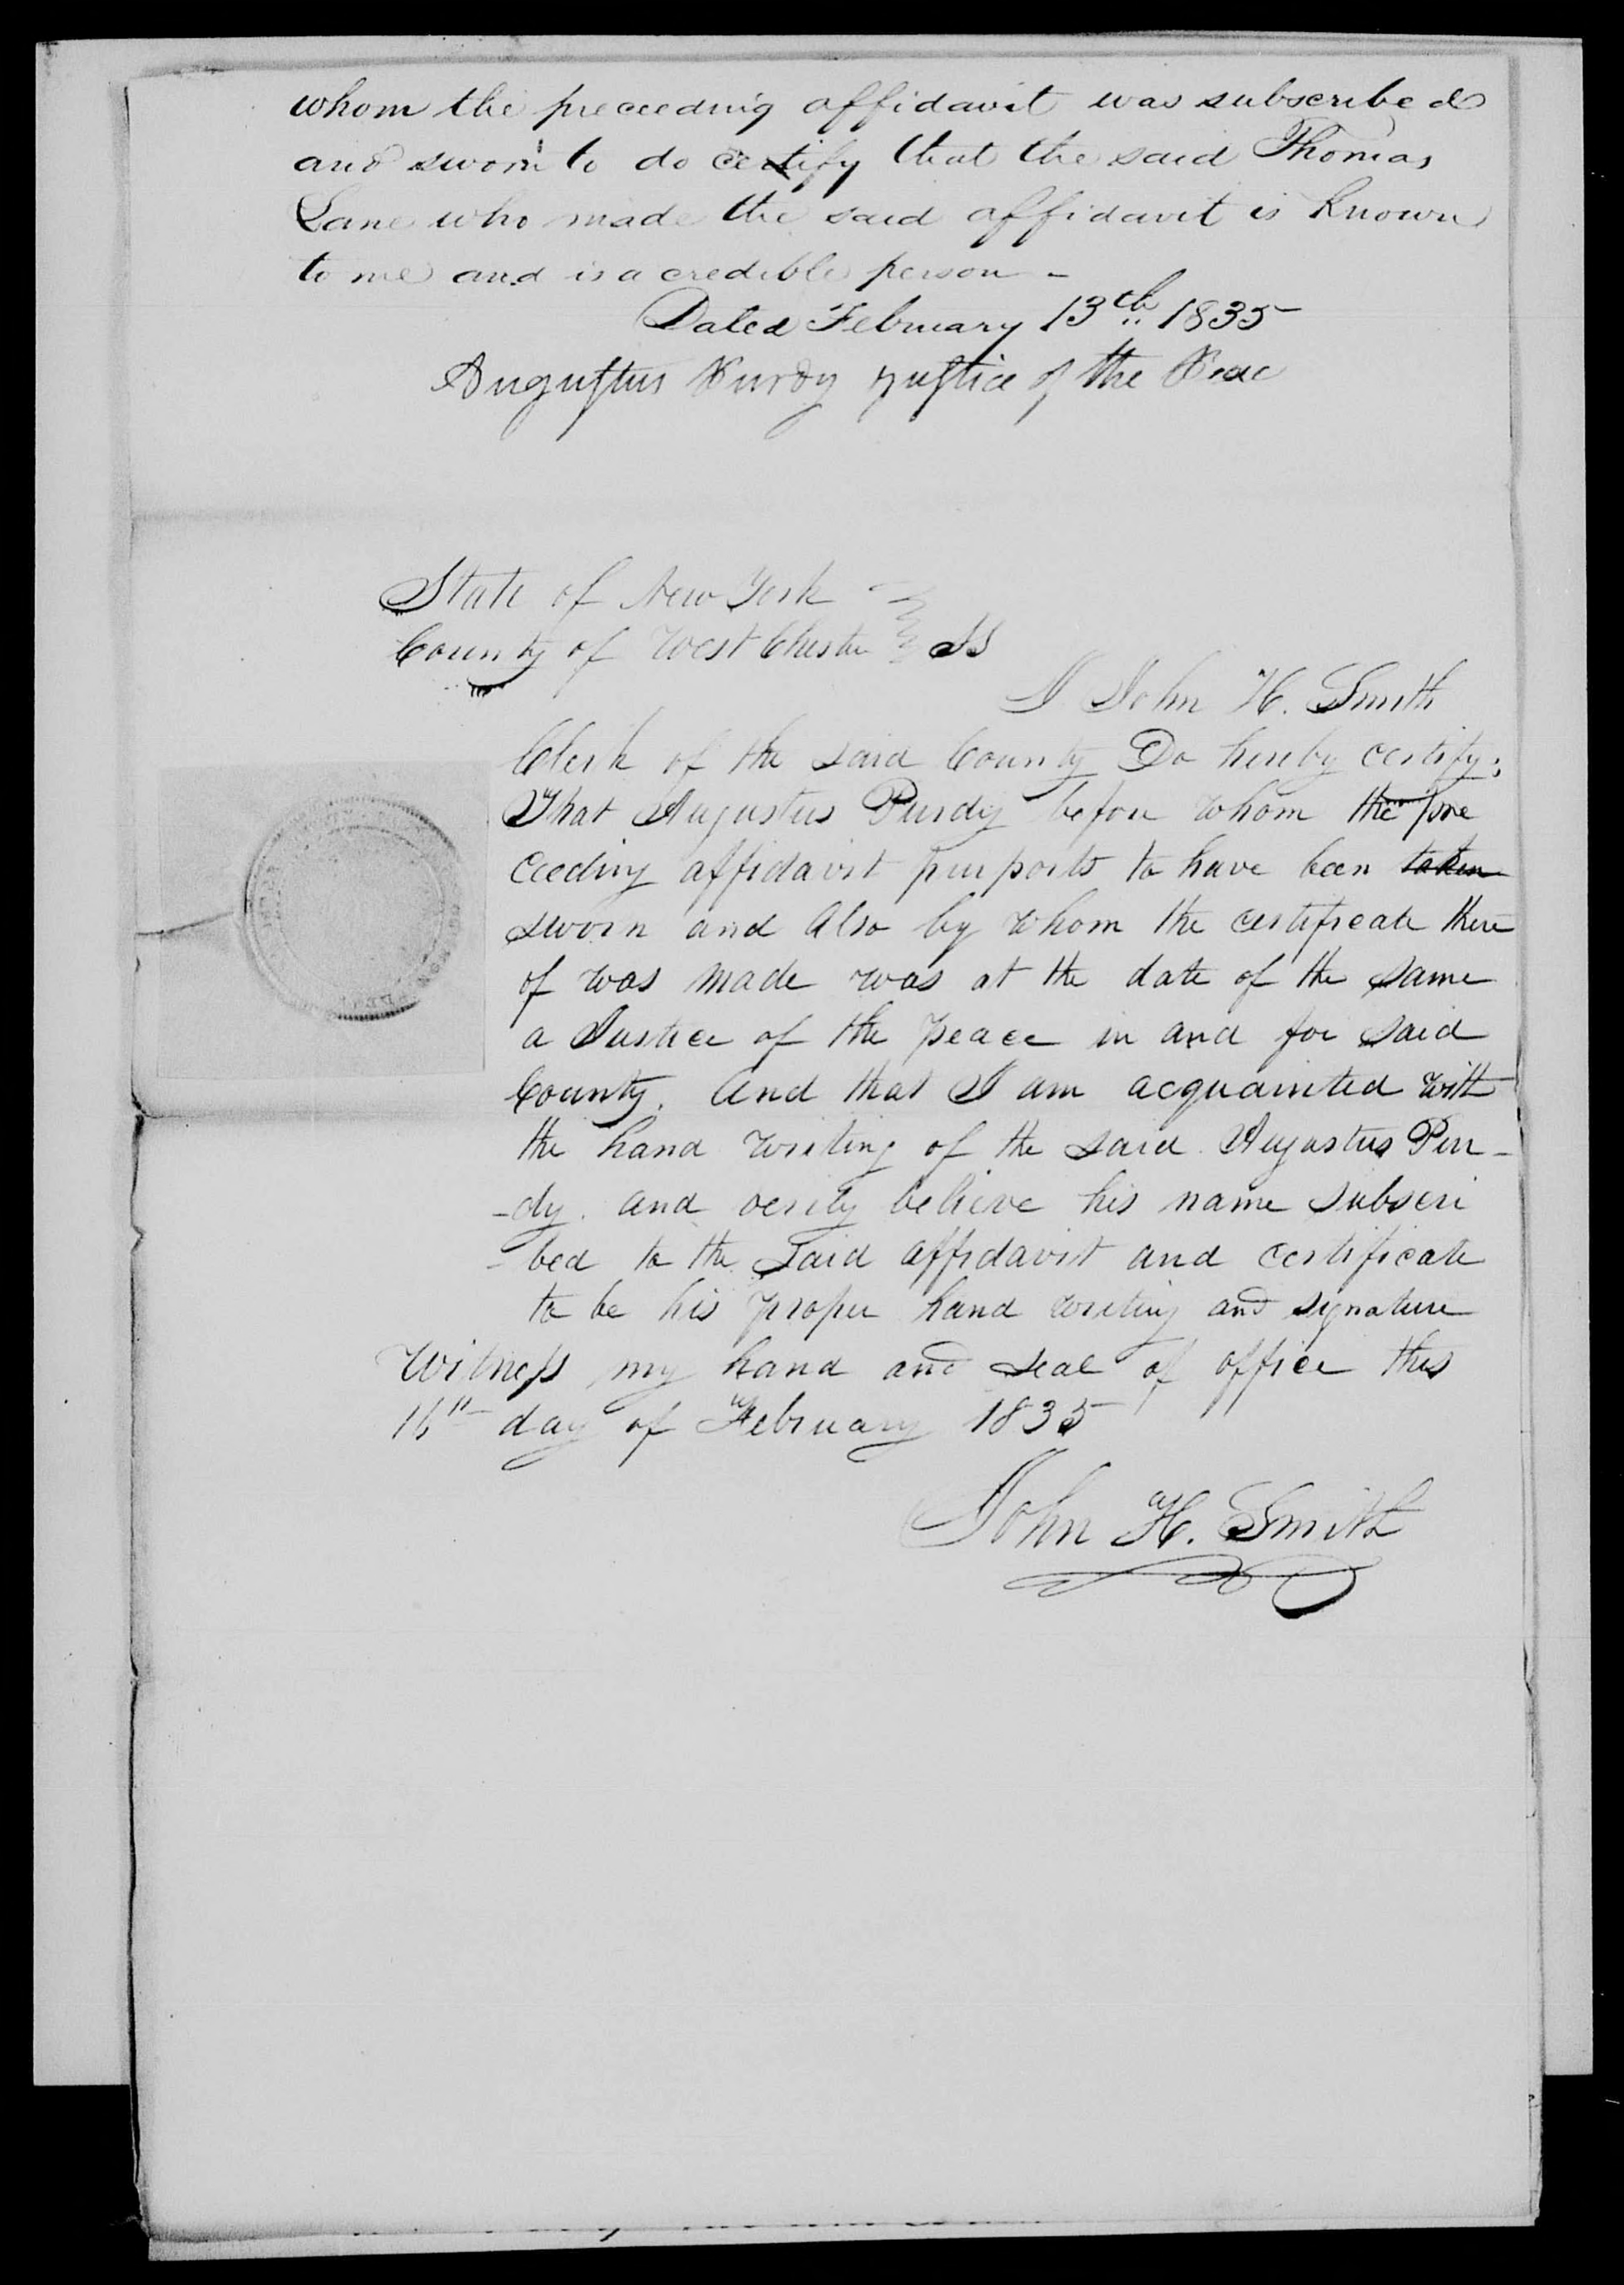whom the preceeding affidavit was subscribed and sworn to do certify that the said Thomas Lane who made the said affidavit is known to me and is a credible person - Dated February 13th 1835 
[Signed] Augustus Purdy Justice of the Peace 

State of New York}
County of West Chester} ss 
I John H. Smith Clerk of the said County Do hereby certify, That Augustus Purdy before whom the preceeding affidavit purports to have been sworn and Also by whom the certificate thereof was made was at the date of the same a Justice of the Peace in and for said County. And that I am acquainted with the hand writing of the said Augustus Purdy and verily believe his name subscribed to the said affidavit and certificate to be his proper hand writing and signature 
Witness my hand and Seal of office this 16th day of February 1835 
[SEAL]
[Signed] John H. Smith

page: 28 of 33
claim: rejected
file: R. 7,063, for Elisha B Maynard, New York